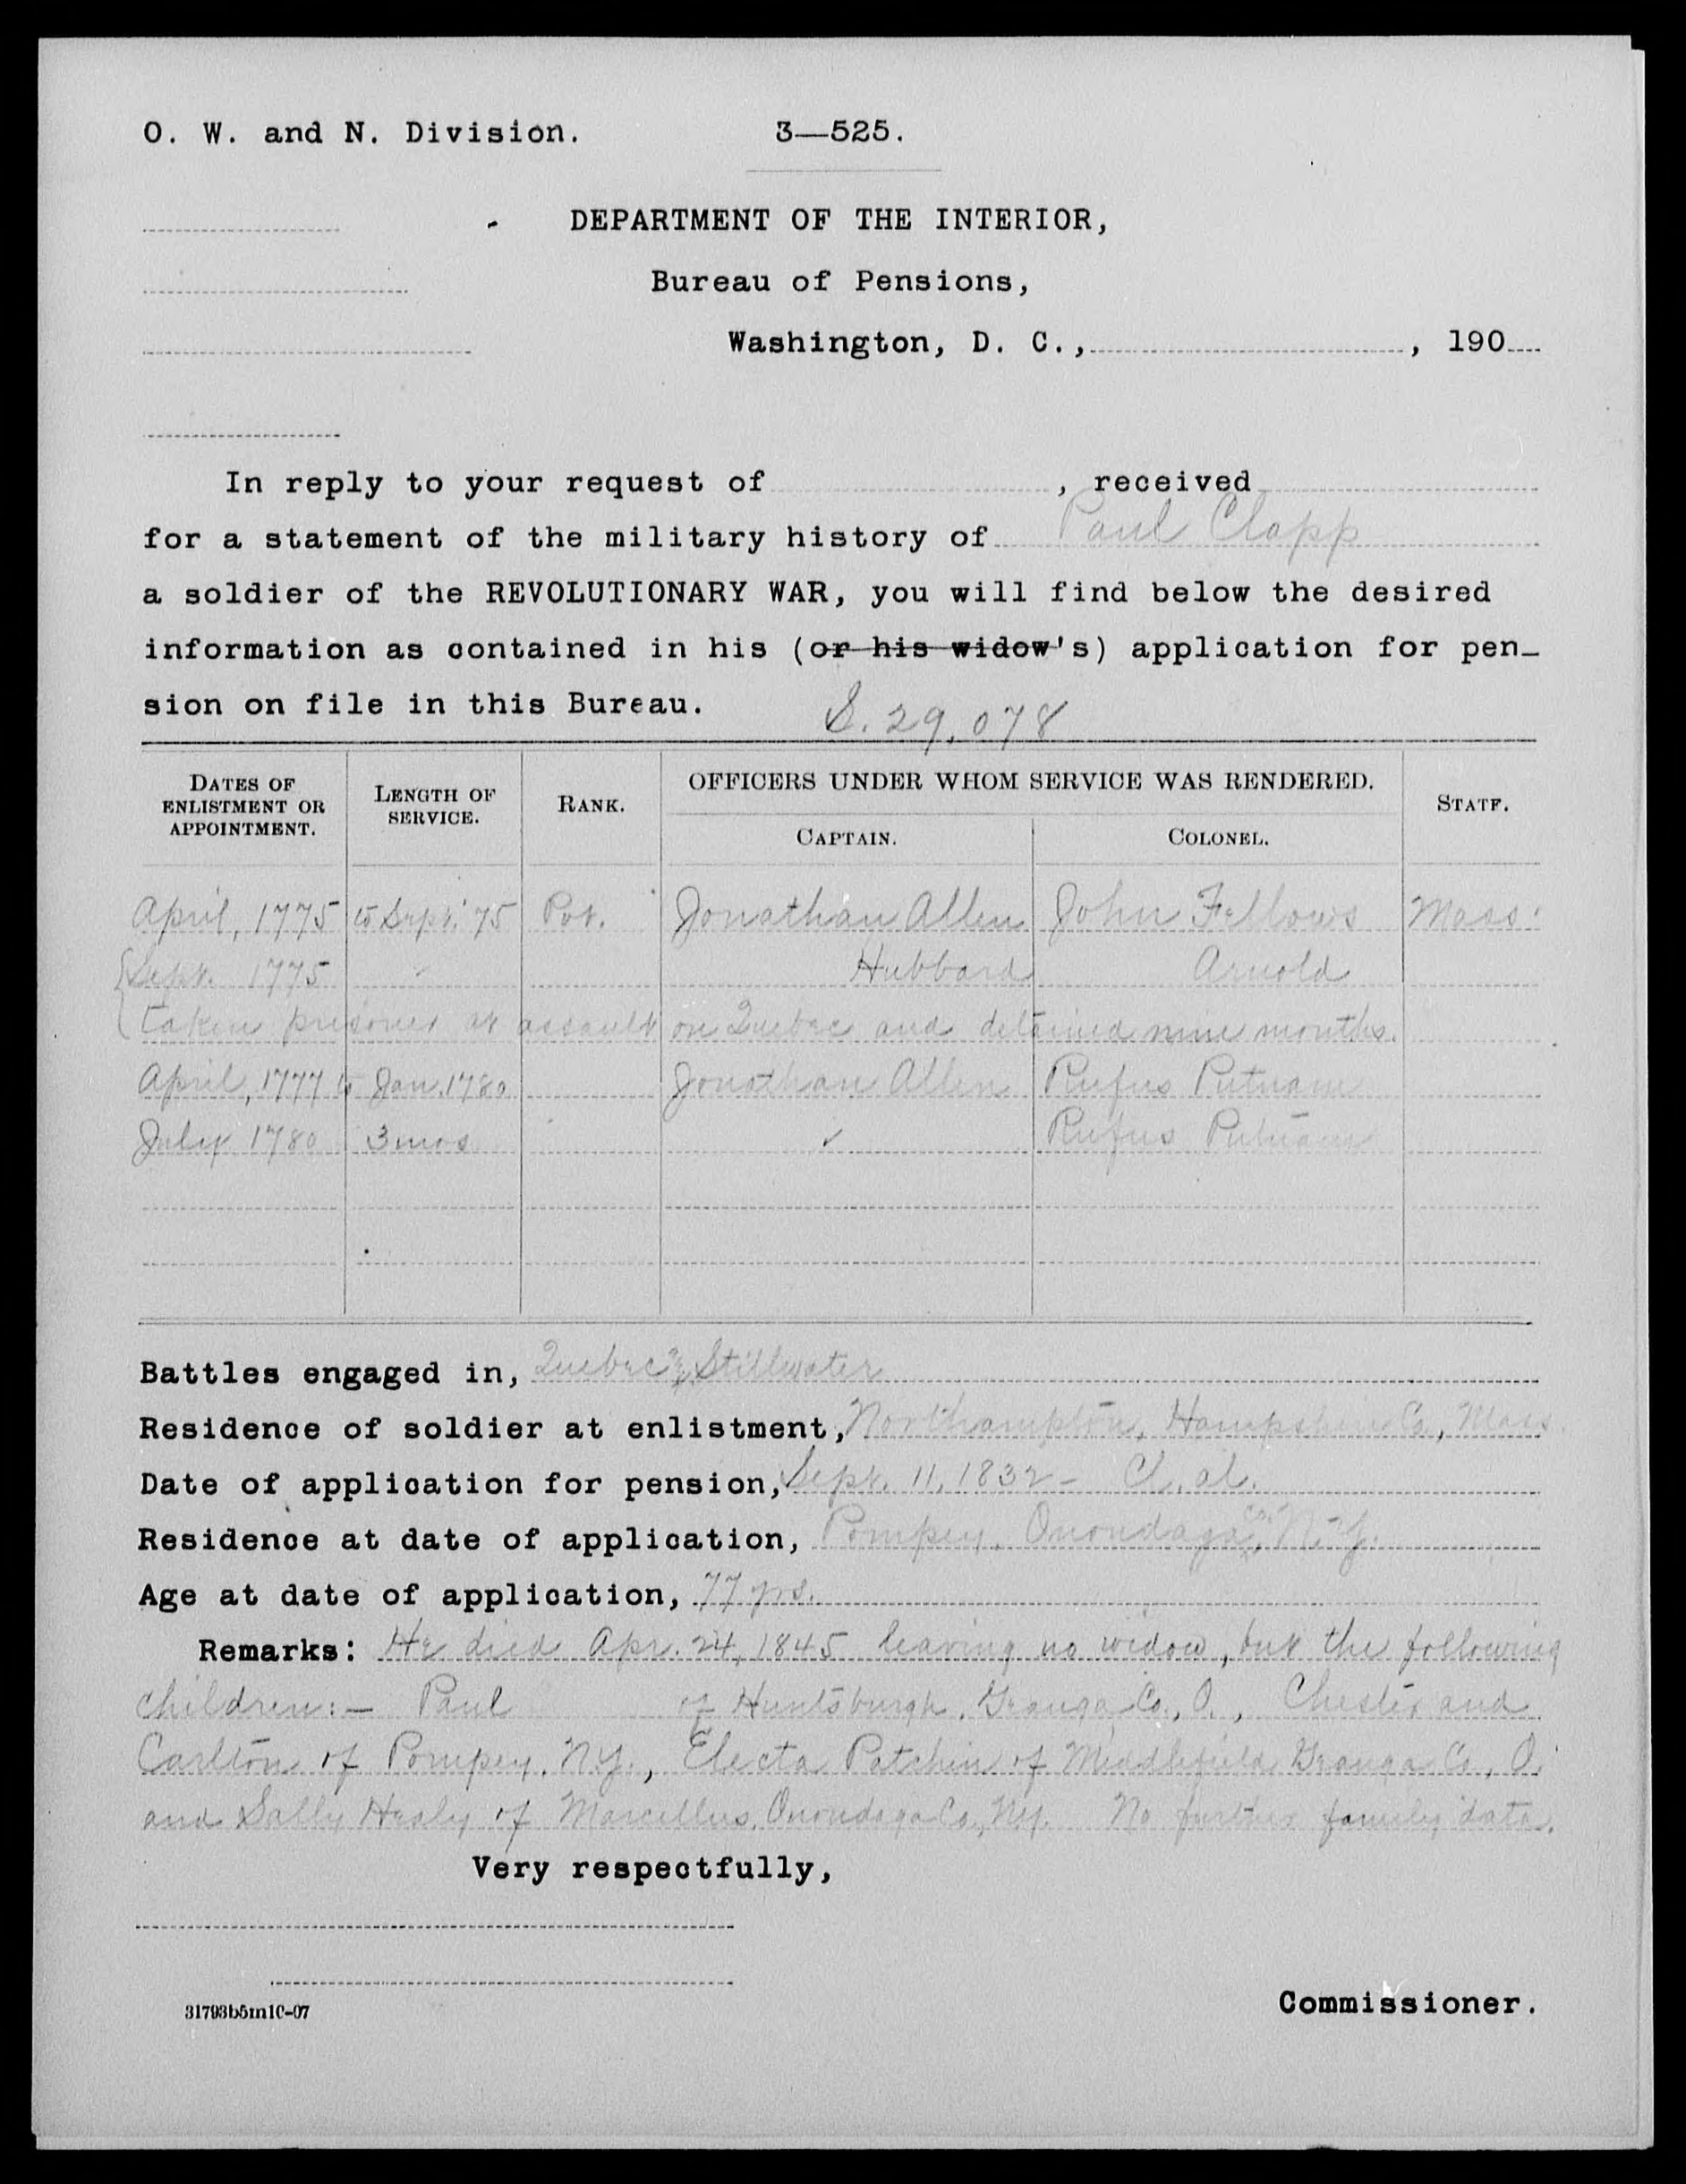O. W. and N. Division  3-525.
Department of the Interior, Bureau of Pensions, Washington, D. C. ..., 190...
In reply to your request of ..., received ... for a statement of the military history of Paul Clapp a soldier of the REVOLUTIONARY WAR, you will find below the desired information as contained in his application for pension on file in this Bureau.  S. 29,078
Dates of Enlistment or Appointment | Length of service. | Rank. | Officers under whom service was rendered. Captain. Colonel. | State.
April, 1775 | to Sept. '75 | Pvt. | Jonathan Allen. John Fellows. | Mass.
Sepr 1775 {taken prisoner at assault on Quebec and detained nine months. | | Hubbard. Arnold. |
April 1777 to Jan 1780 | | Jonathan Allen. Rufus Putnam. |
July 1780 | 3 mos. | |   . Rufus Putnam. |
Battles engaged in, Quebec & Stillwater
Residence of soldier at enlistment, Northampton, Hampshire Co. Mass.
Date of application for pension, Sepr 11, 1832 - Cl. al.
Age at date of application, 77 yrs.
Remarks: He died April 24, 1845 leaving no widow, but the following children: - Paul [Clapp] of Huntsburgh, Grange Co. O., Chester and Carlton of Pompey, N. Y., Electa Patchin of Middlefield, Grange Co., O. and Sally Healy of Marcellus, Onondaga Co. NY. No further family data.
Very respectfully, Commissioner.
31793b5m10-07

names: Rufus Putnam, Electa Patchin, Paul, Hubbard, Jonathan Allen, John Fellows, Jonathan Allen, Carlton, Paul Clapp, Rufus Putnam, Chester, Sally Healy, Arnold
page: 11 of 42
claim: survivor's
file: S. 29078, Paul Clapp, Mass.